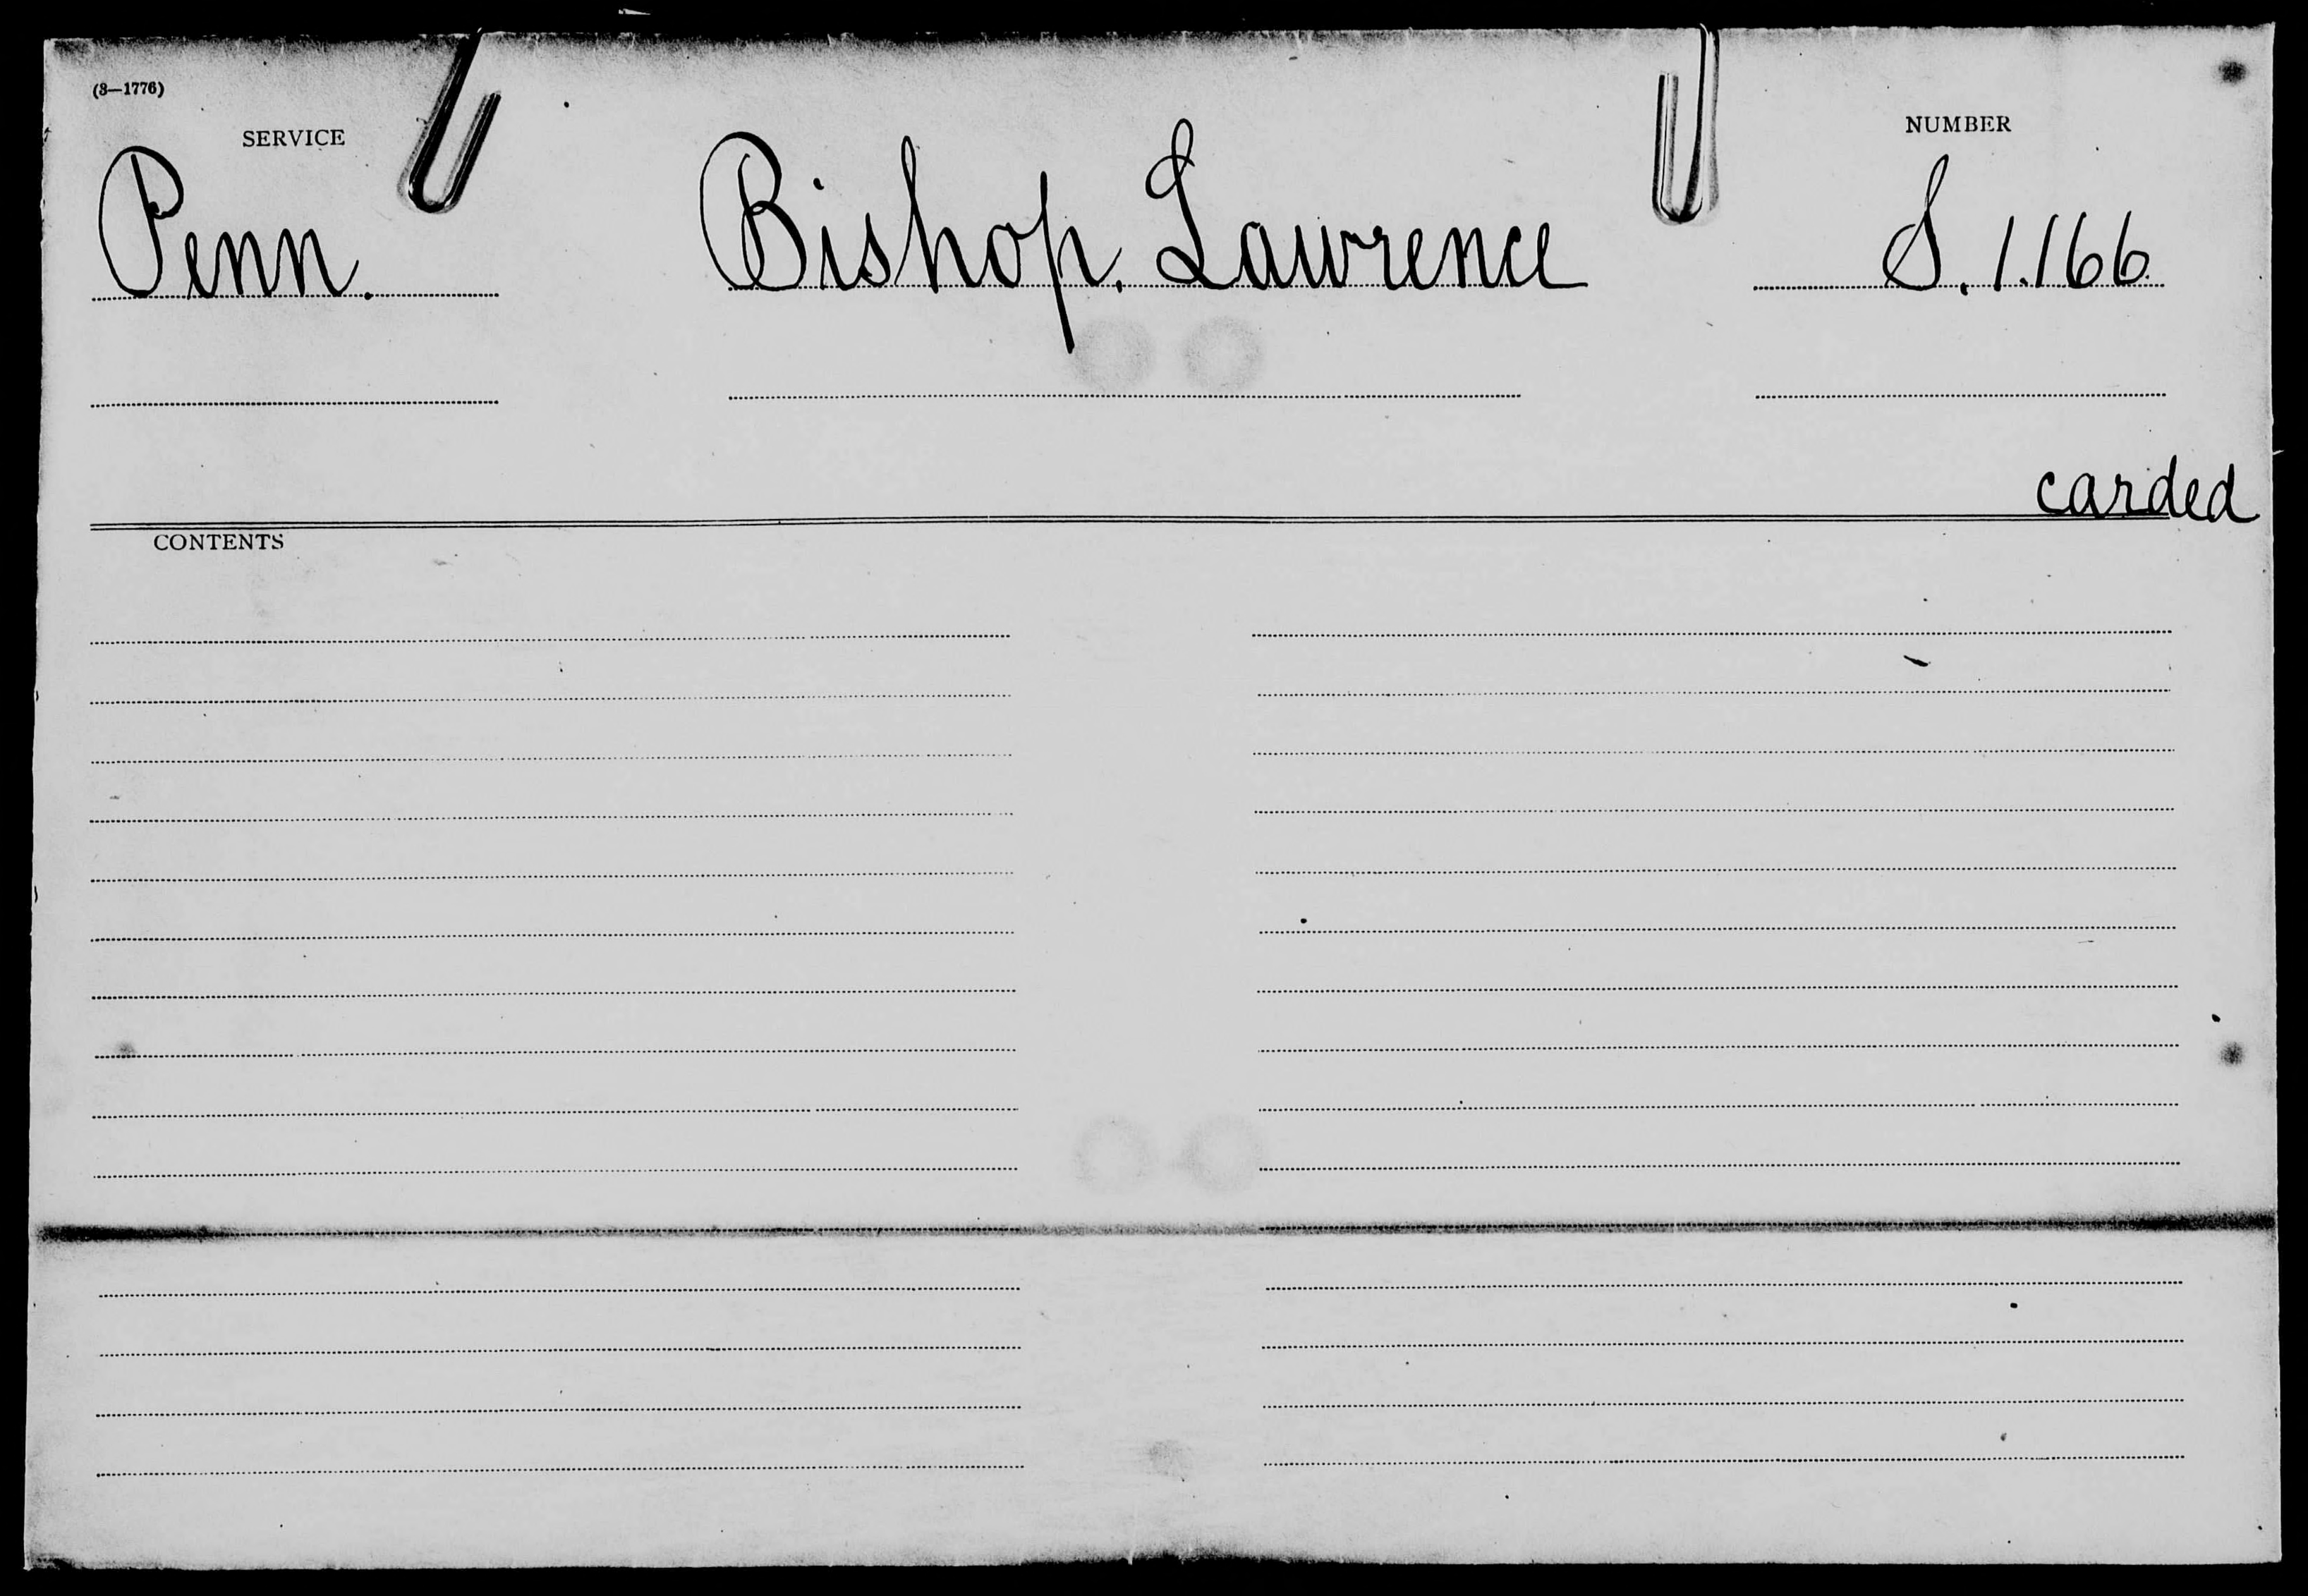SERVICE   Penn.
Bishop, Lawrence
NUMBER  S.1166
carded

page: 1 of 26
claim: survivor's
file: S.1,166, Lawrence Bishop, Penn.